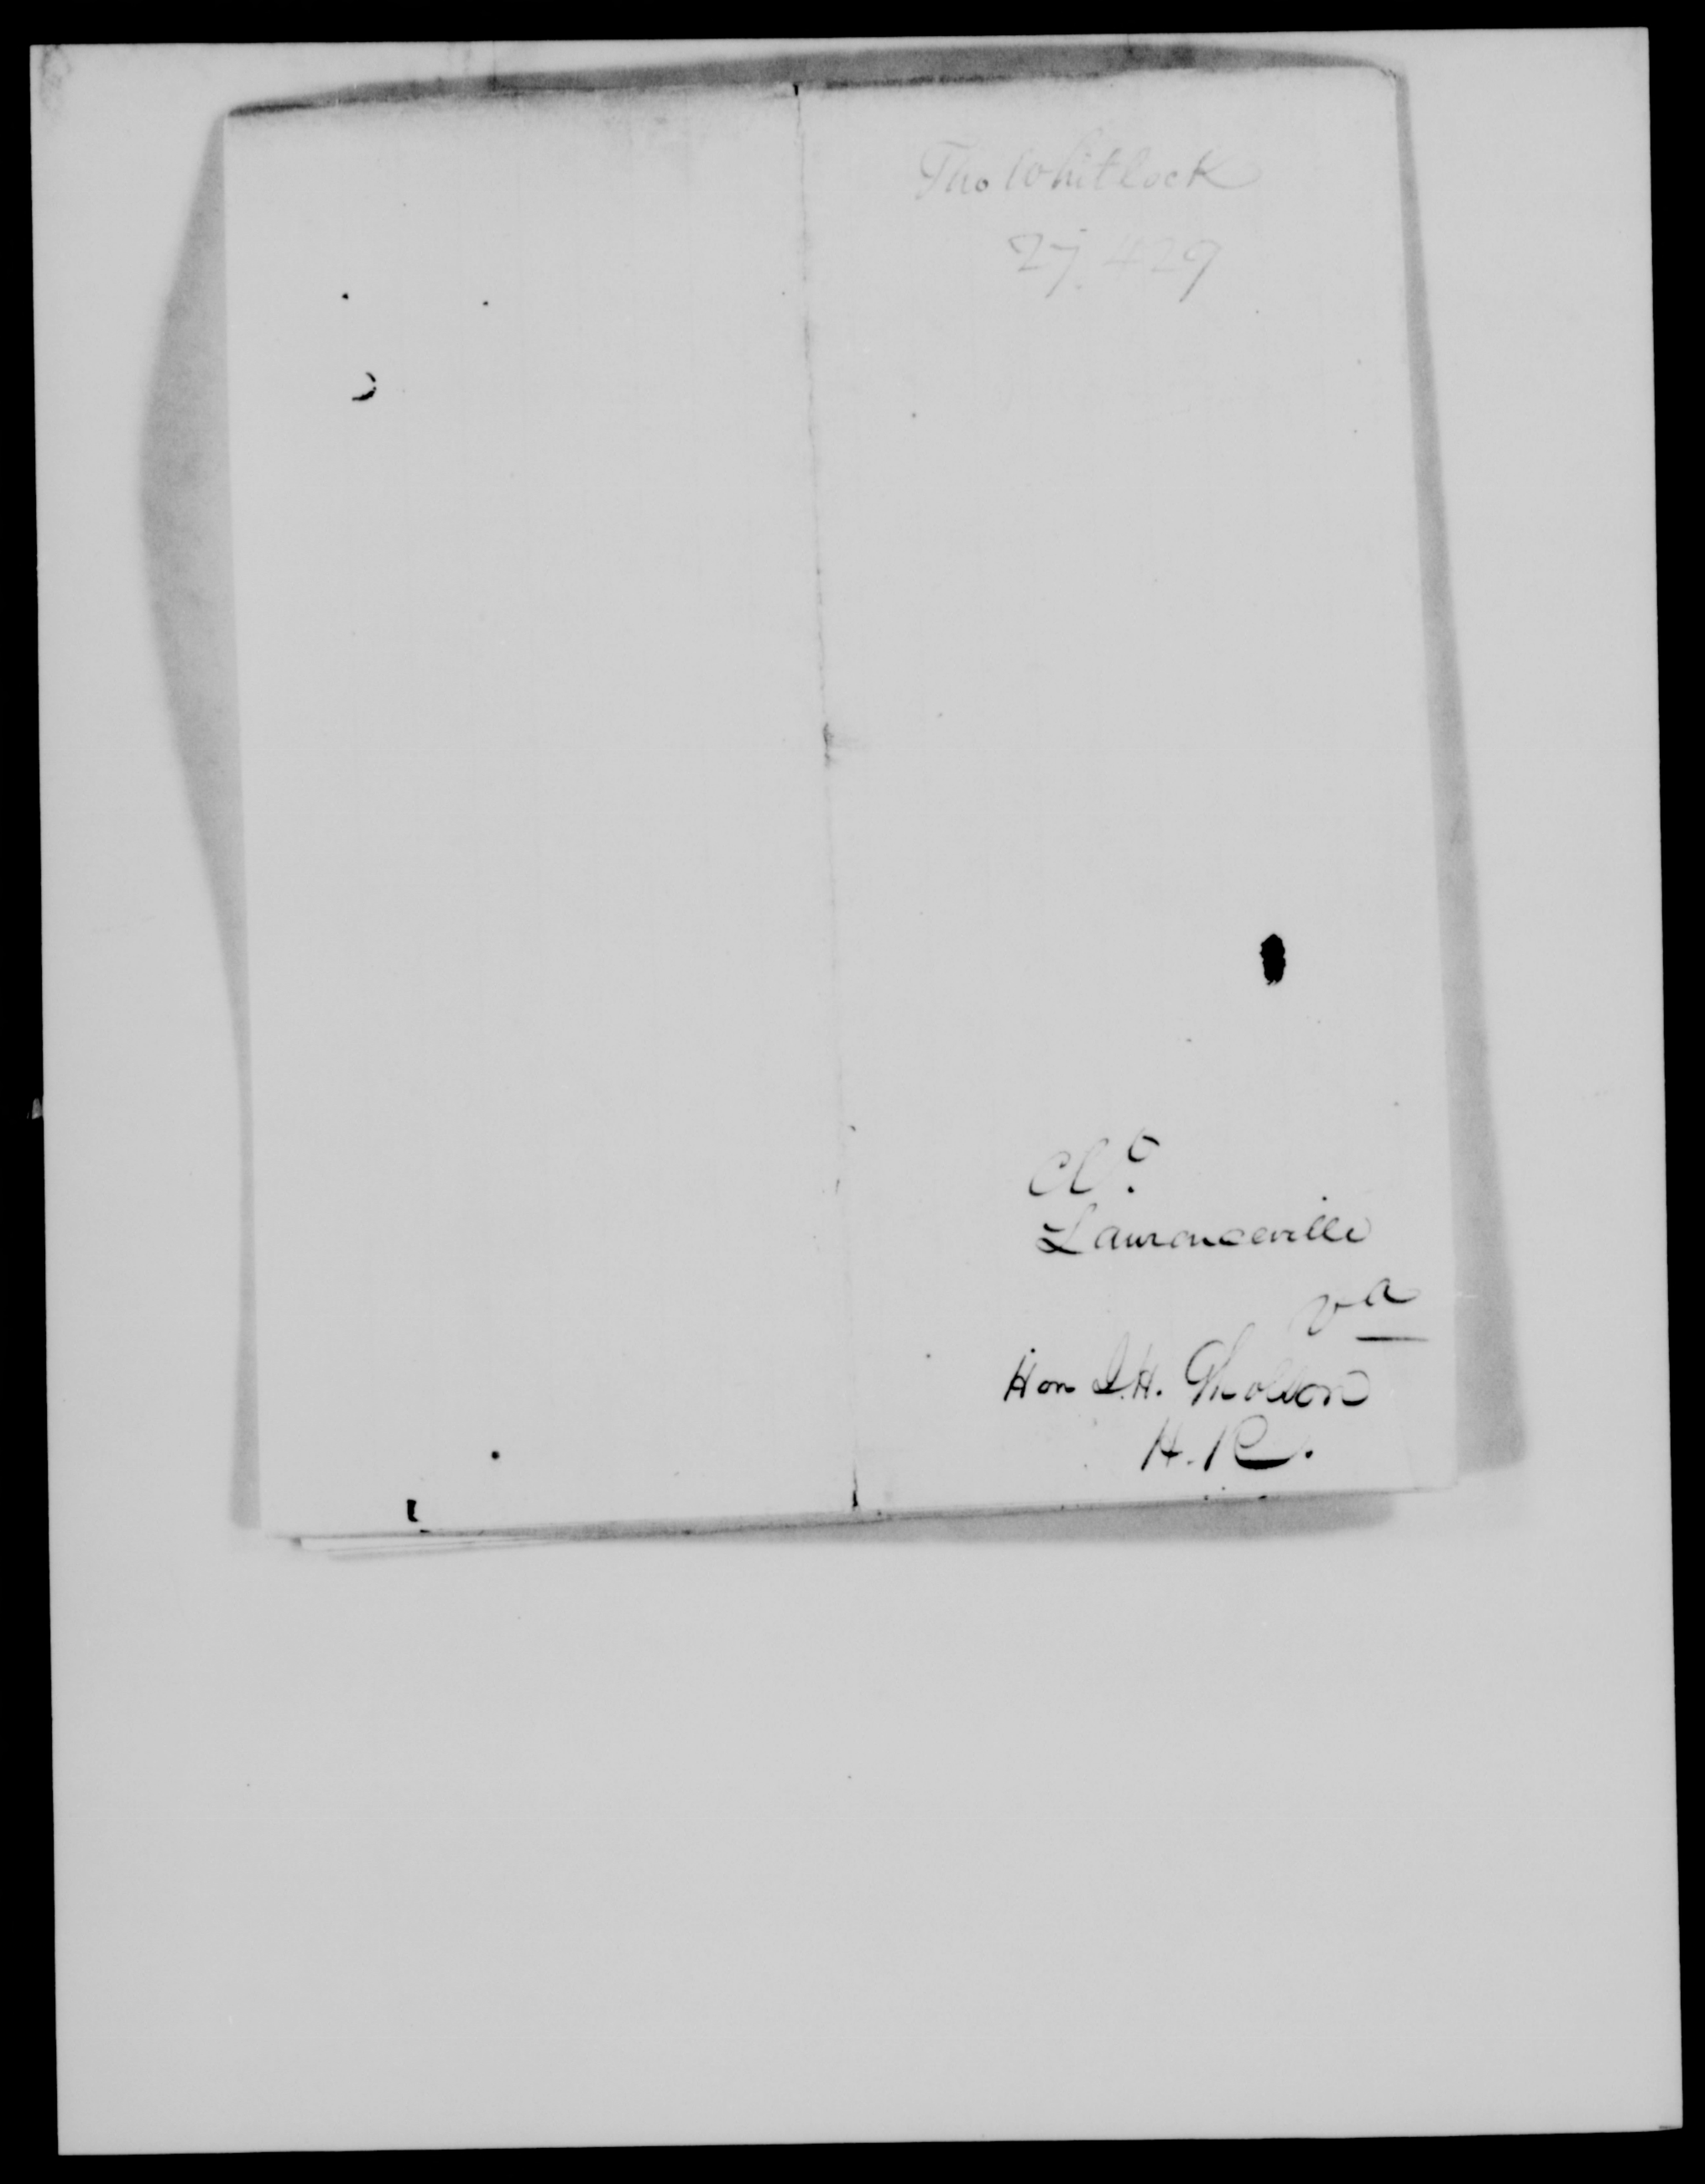Clo.
Lawrenceville
Va
Hon J. H. Gholson
H.R.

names: Tho Whitlock, J H Gholson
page: 29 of 32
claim: survivor's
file: S. 16020, Thomas Whitlock, Va.